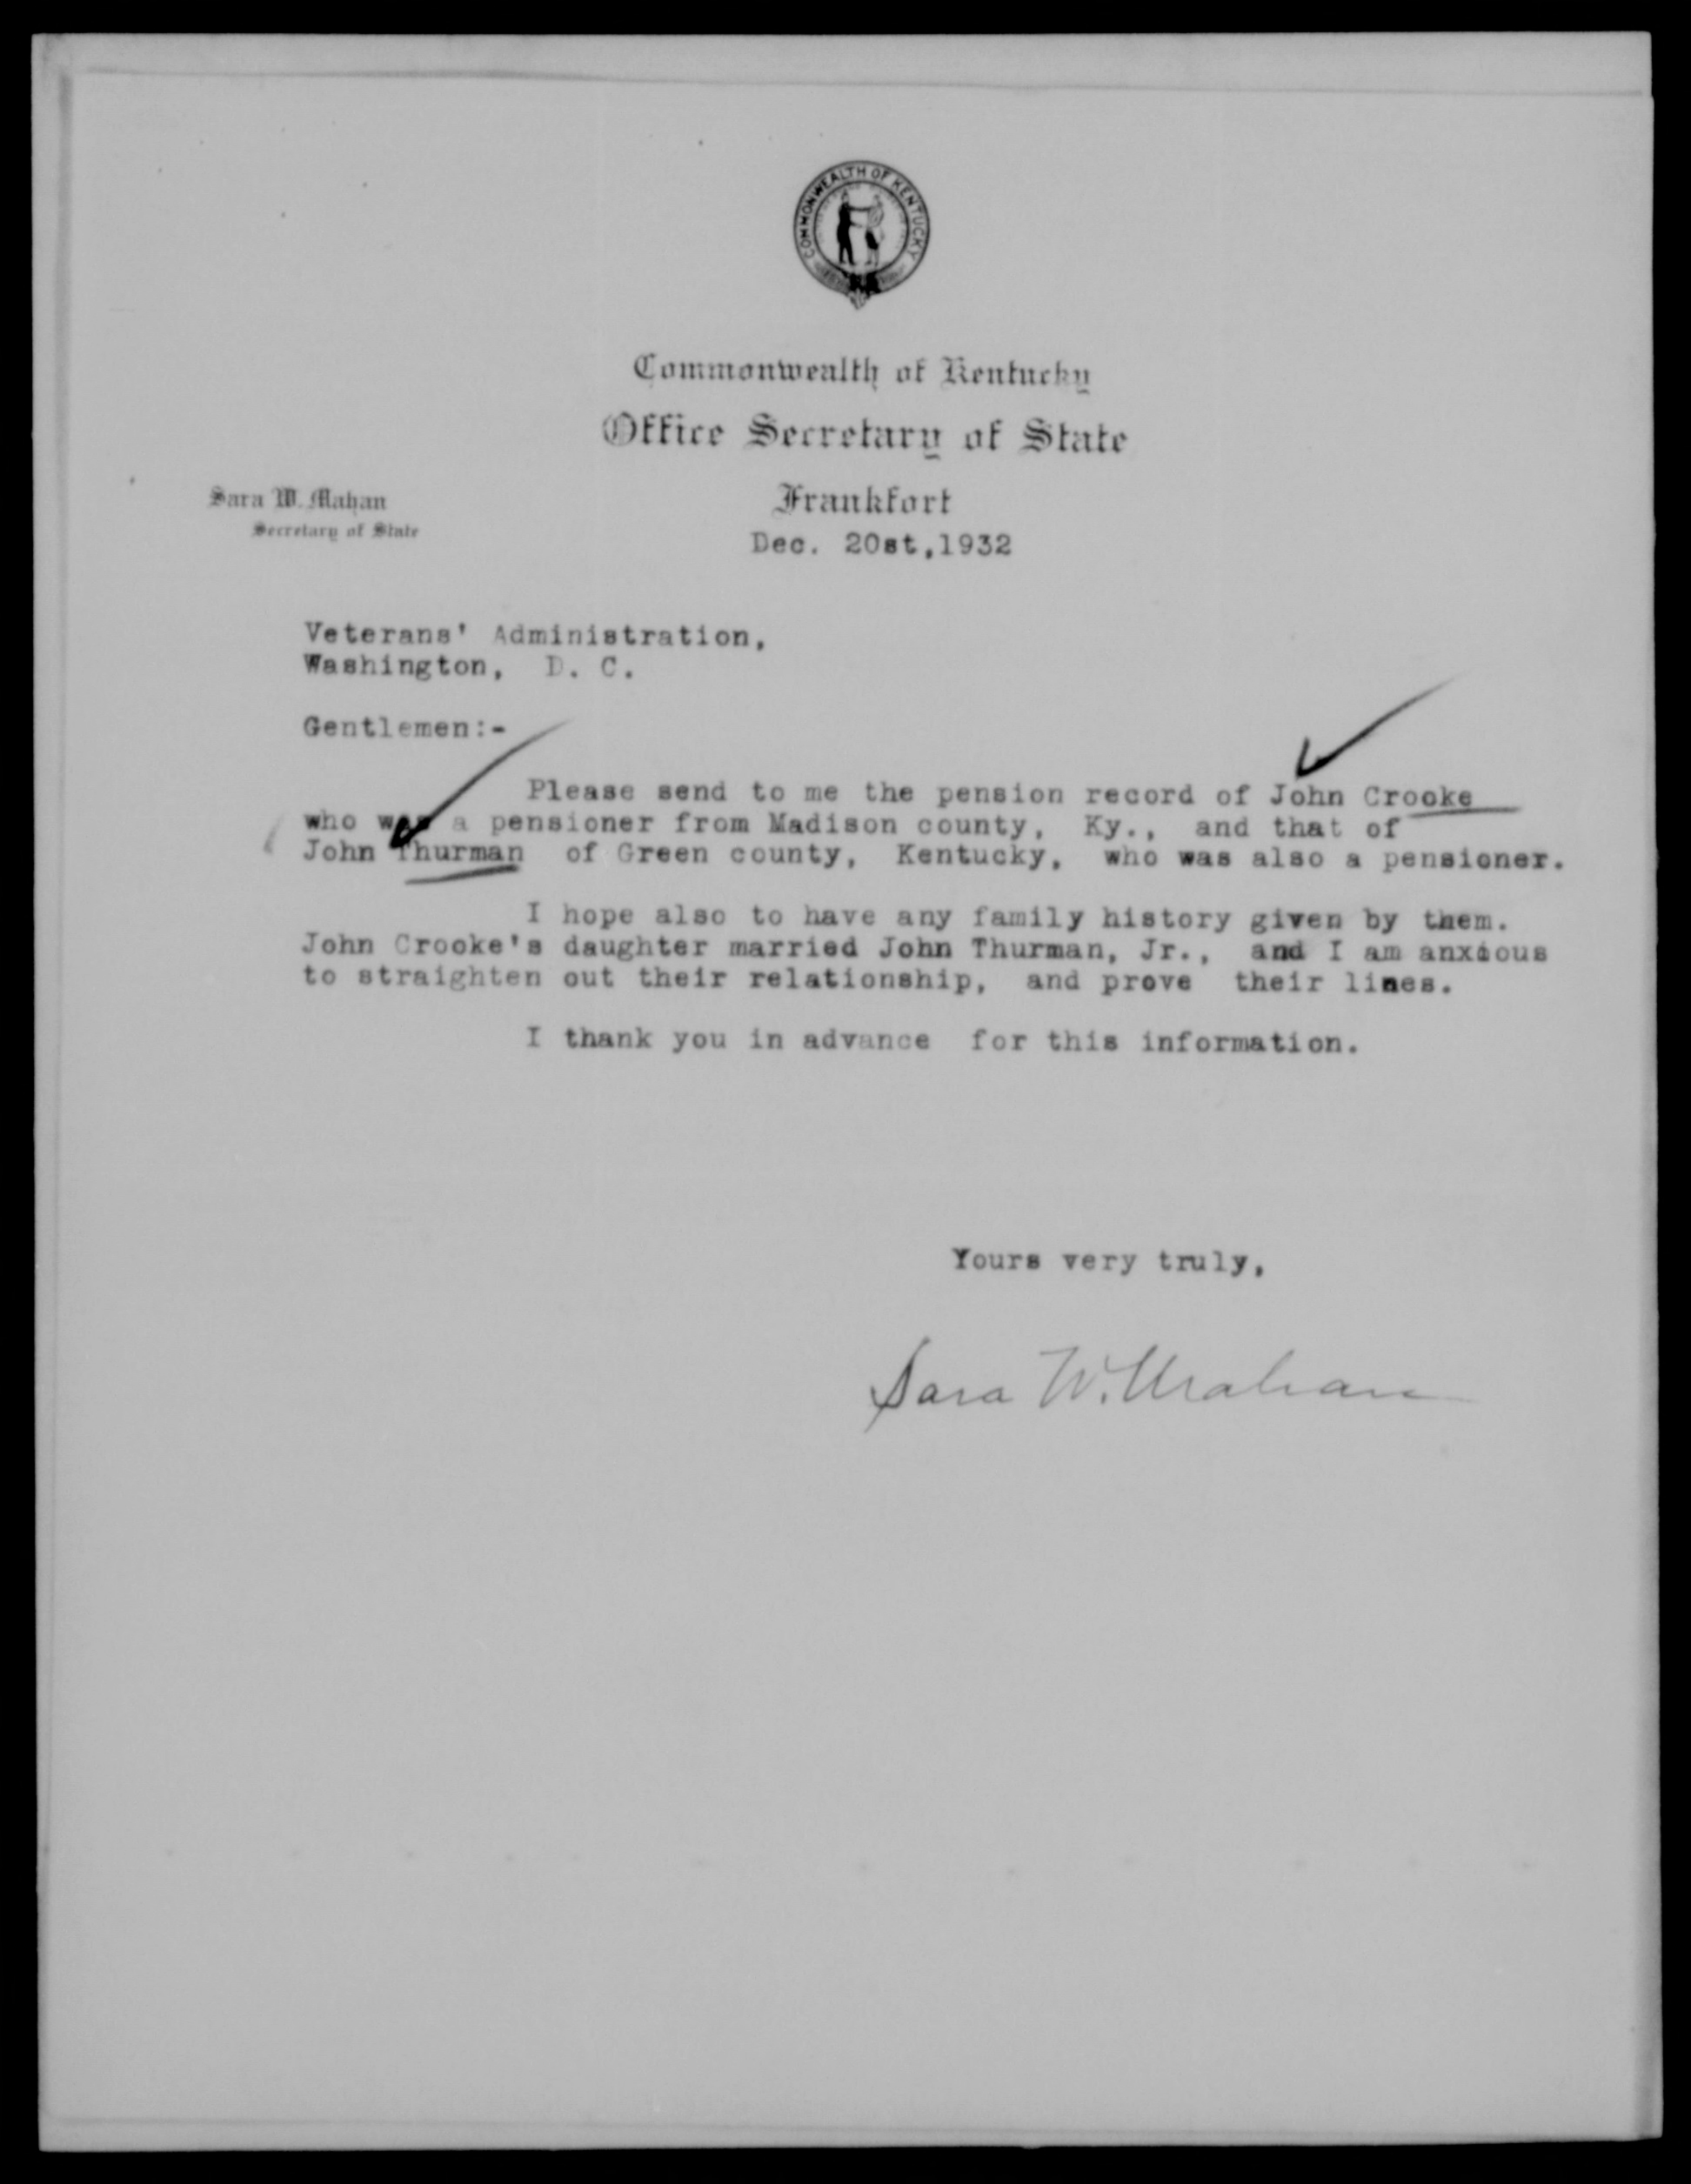Commonwealth of Kentucky
Office Secretary of State
Frankfort
Dec. 20st, 1932

Sara W. Mahan
Secretary of State

Veterans' Administration,
Washington, D. C.

Gentlemen:-

Please send to me the pension record of John Crooke
who was a pensioner from Madison County, Ky., and that of
John Thurman of Green County, Kentucky, who was also a pensioner.
I hope also to have any family history given by them.
John Crooke's daughter married John Thurman, Jr., and I am anxious
to straighten out their relationship, and prove their lines.
I thank you in advance for this information.
Yours very truly,
Sara W. Mahan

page: 44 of 53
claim: widow's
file: W. 6,267, for John Thurman, Georgia